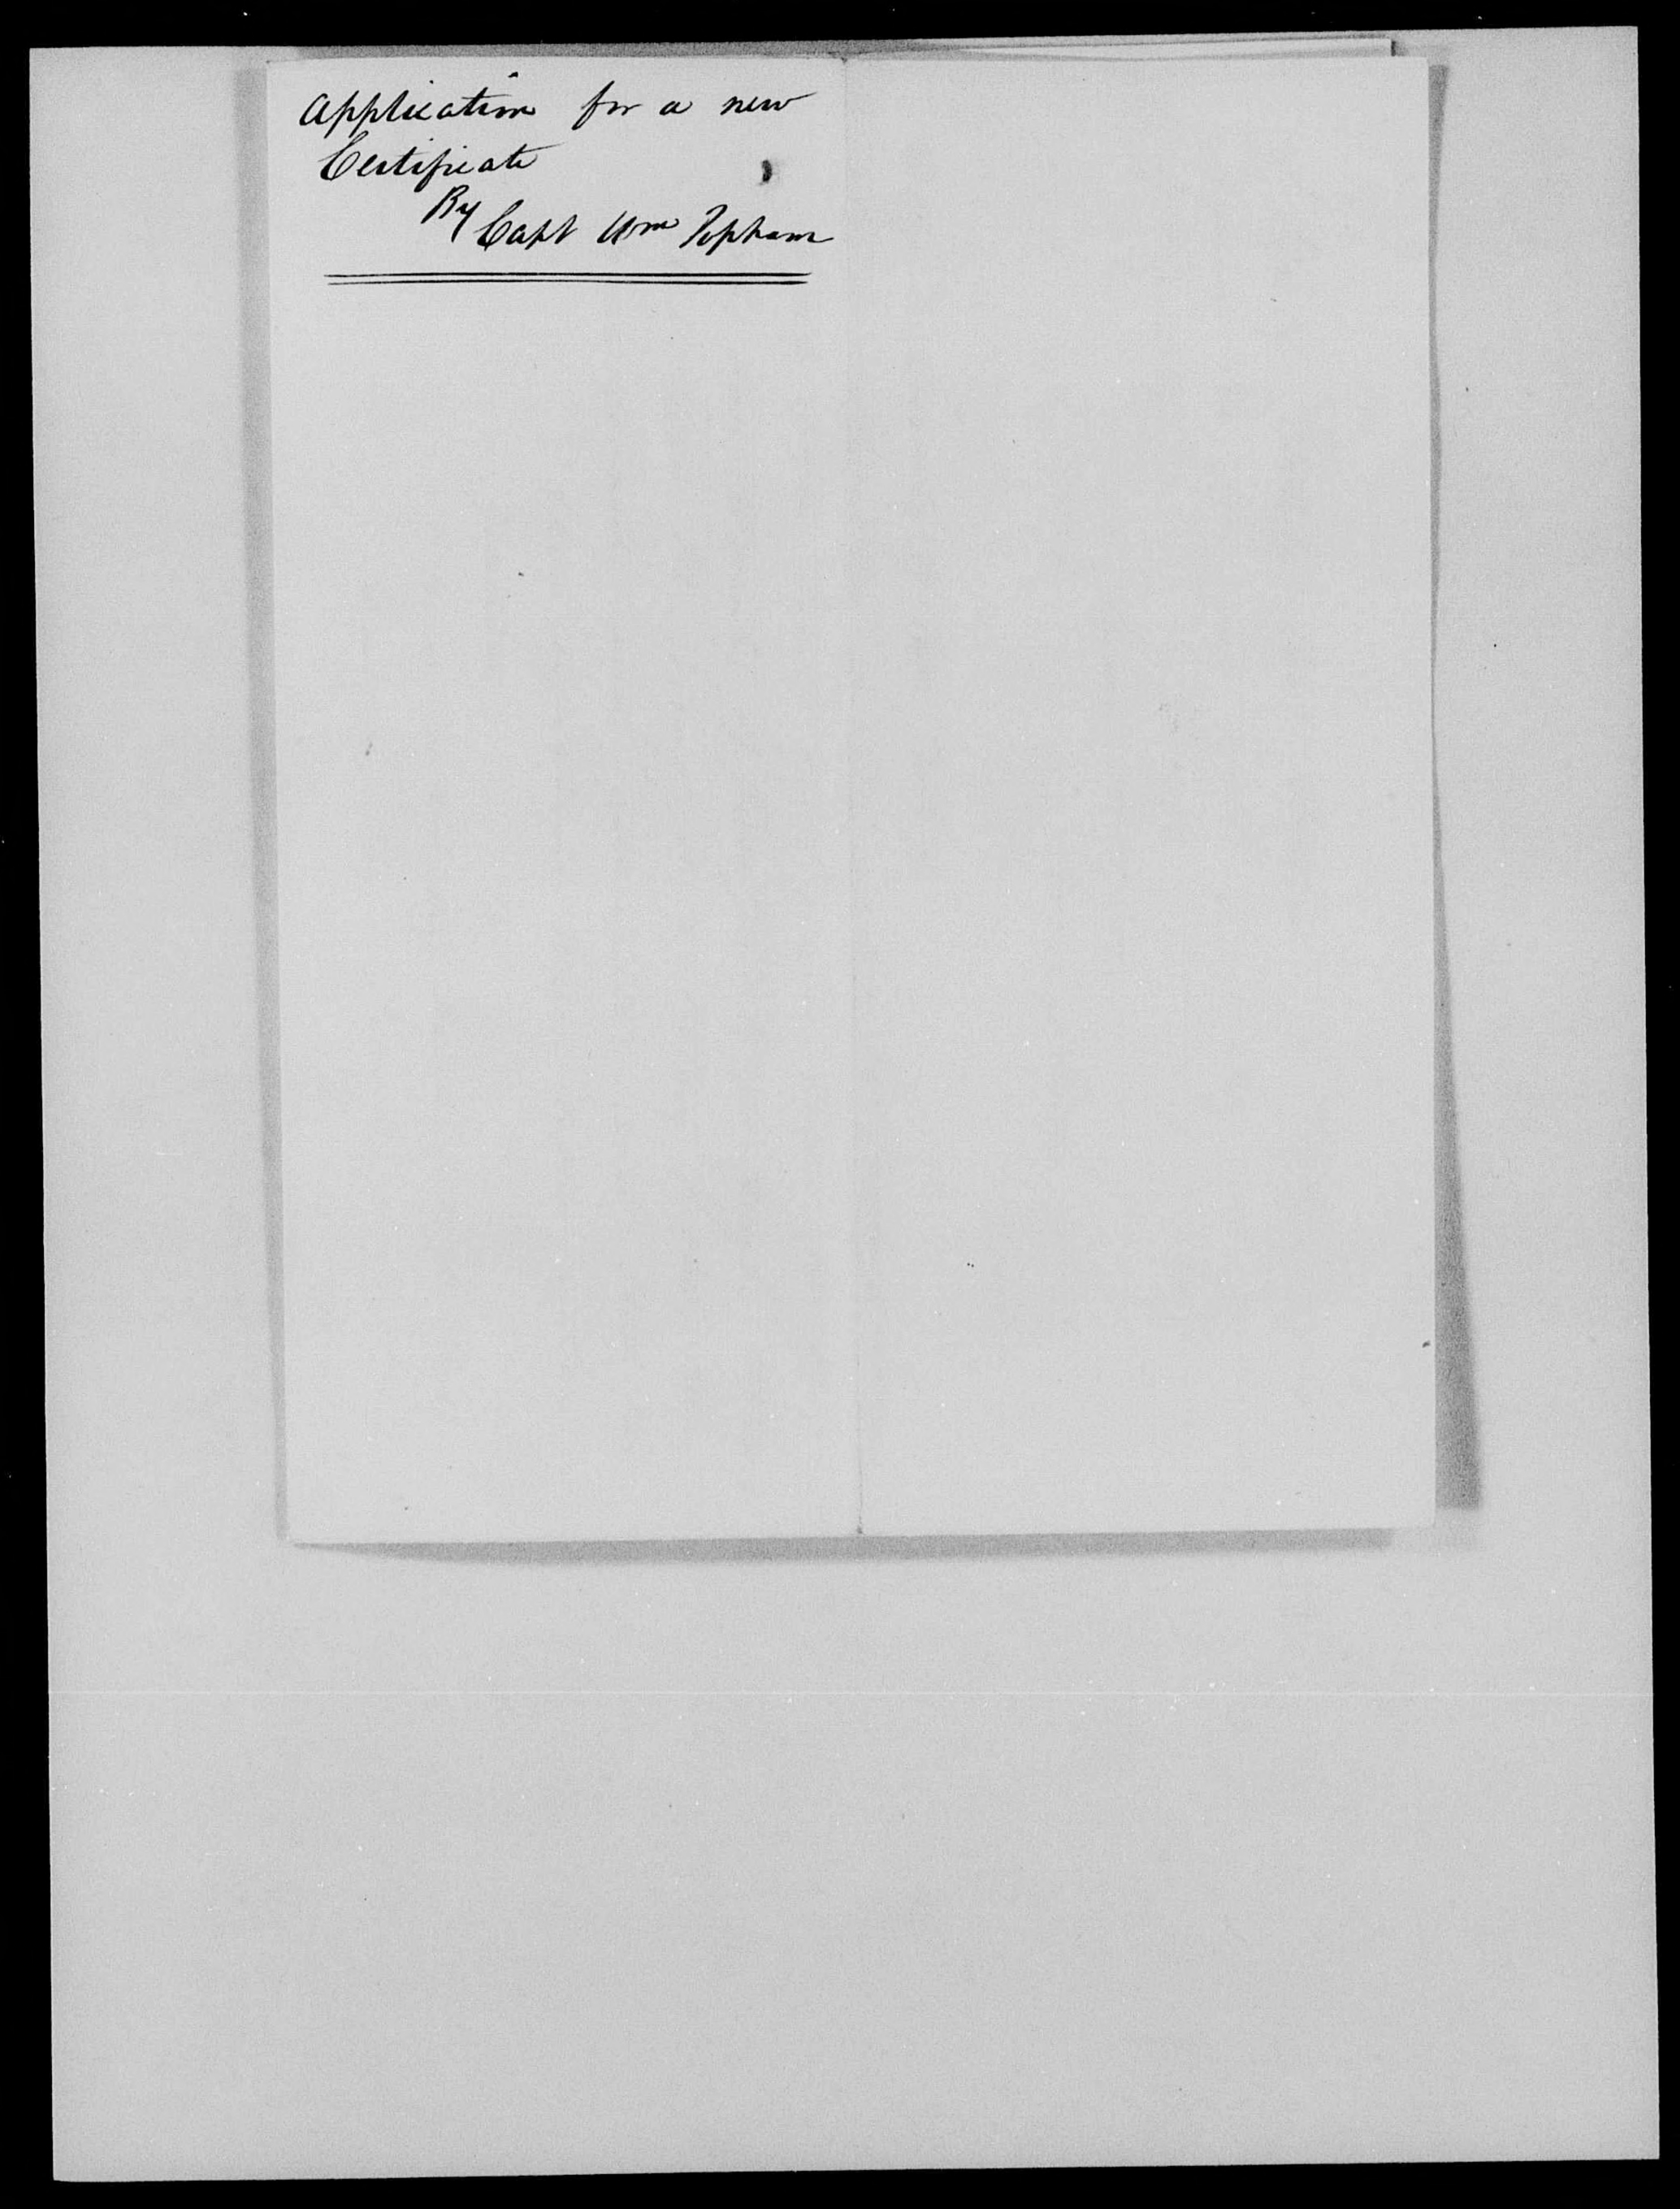application for a new
Certificate
by Capt Wm Popham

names: Wm Popham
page: 68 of 75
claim: survivor's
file: S. 9989, for William Popham, Delaware